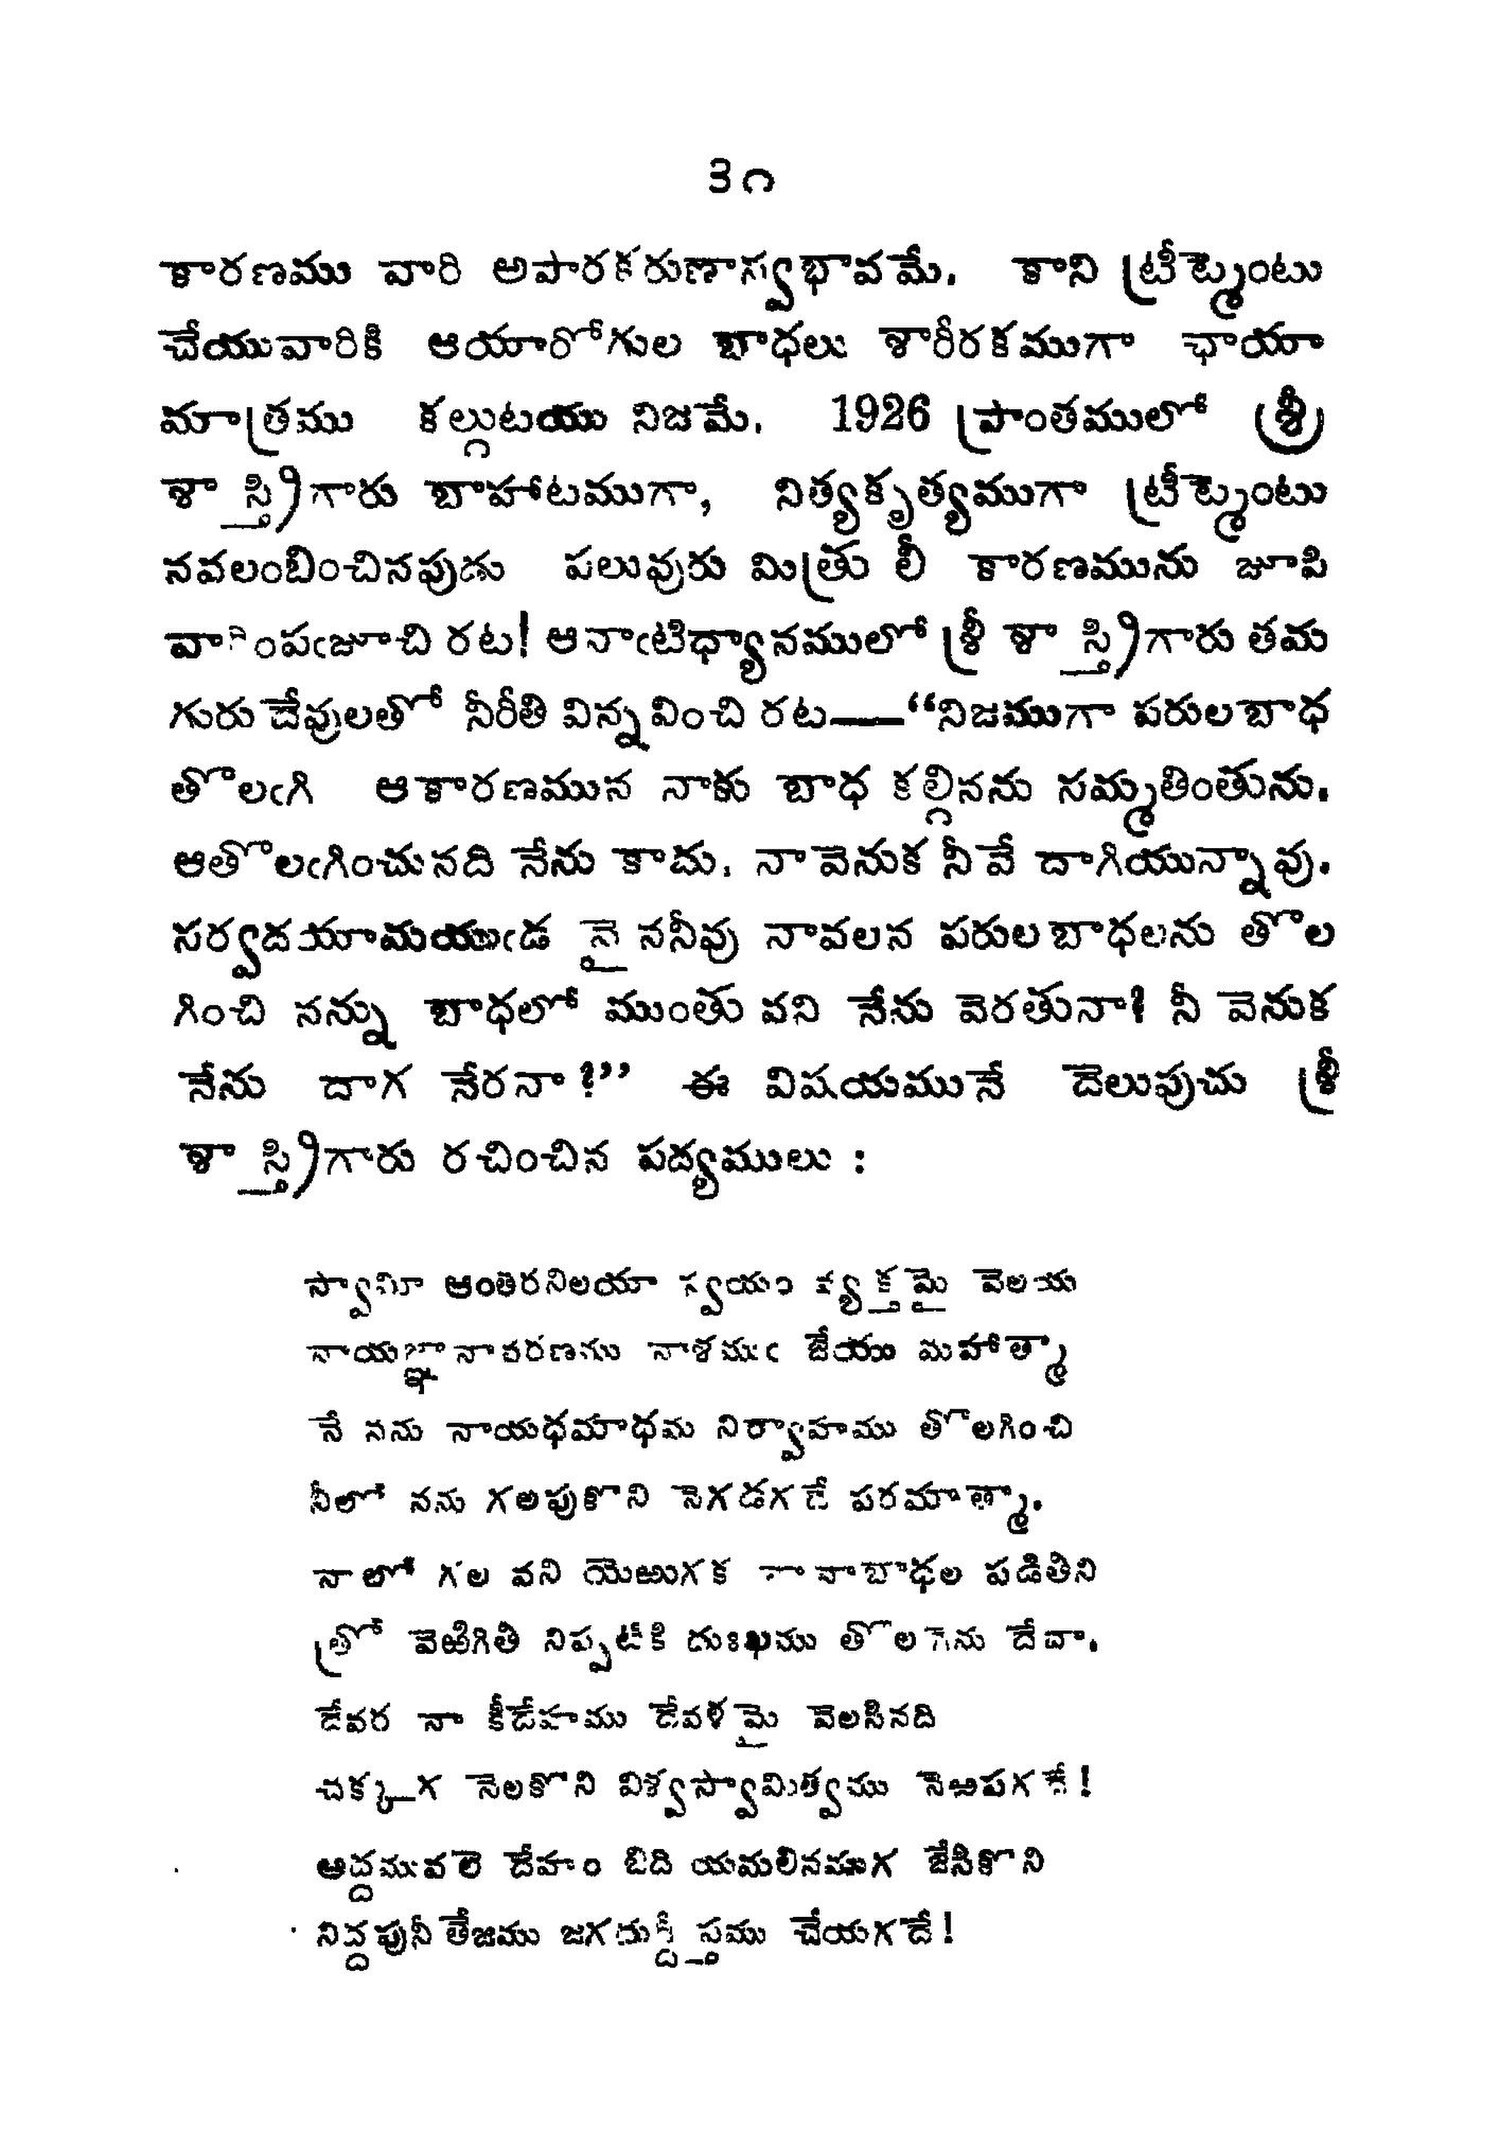కారణము వారి అపారకరుణాస్వభావమే కాని ట్రీట్మెంటు చేయువారికి ఆయా రోగుల బాధలు శేరిరకముగా చాయా మాత్రము కల్గుటయు నిజమే. 1926 ప్రాంతములో శ్రీ శాస్త్రిగారు బాహాటముగా, నిత్యకృత్యముగా ట్రీట్మెంటు నవలంబించినపుడు పలువురు మిత్రు లీ కారణమును జూపి వారింపఁజూచిరట! ఆ నాఁటిధ్యానములో శ్రీ శాస్త్రిగారు తమ గురు దేవులతో నీరీతి విన్నవించిరట___ "నిజముగా పరులబాధ తొలంగి ఆ కారణమున నాకు బాధ కల్గినను సమ్మతింతును ఆ తోలంగించునది నేనుకాదు. నా వెనుక నీవే దాగియున్నావు. సర్వదయామయుడ వ్తెననీవు నావలన పరుల బాధలను తొలగించి నన్ను బాధలో ముంతు వని నేను వేరతునా? నీ వెనుక నేను దాగ నేరనా?" ఈ విషయమునే దెలుపుచు శ్రీ శాస్త్రిగారు రచించిన పద్యములు:

 స్వామి ఆంతరనిలయా స్వయం వ్యక్తమ్తె వెలయ
 నాయజ్ఞానావరణము నాశముఁ జేయు మహాత్మా
 నే నను నయదమాధమ నిర్వాహము తొలగించి
 నీలో నను గలపుకొని సెగడగదే పరమాత్మా.
 నాలో గల వని యెఱుగక నానా బాధల పడితిని
 త్రో వెఱిగీతి నిప్పటికి దుఃఖము తిలగెను దేవా,
 దేవర ణా కిదేహము దేవళ మ్తె వెలసినది
 చక్కగా నెలకోని విశ్వస్వామిత్వము నేఱపగదే!
 అద్దమువలే దేహం బిది యమలినముగ జేసికొని
 నిద్దపుని తేజము జగదుద్దిప్తము చేయగదే!